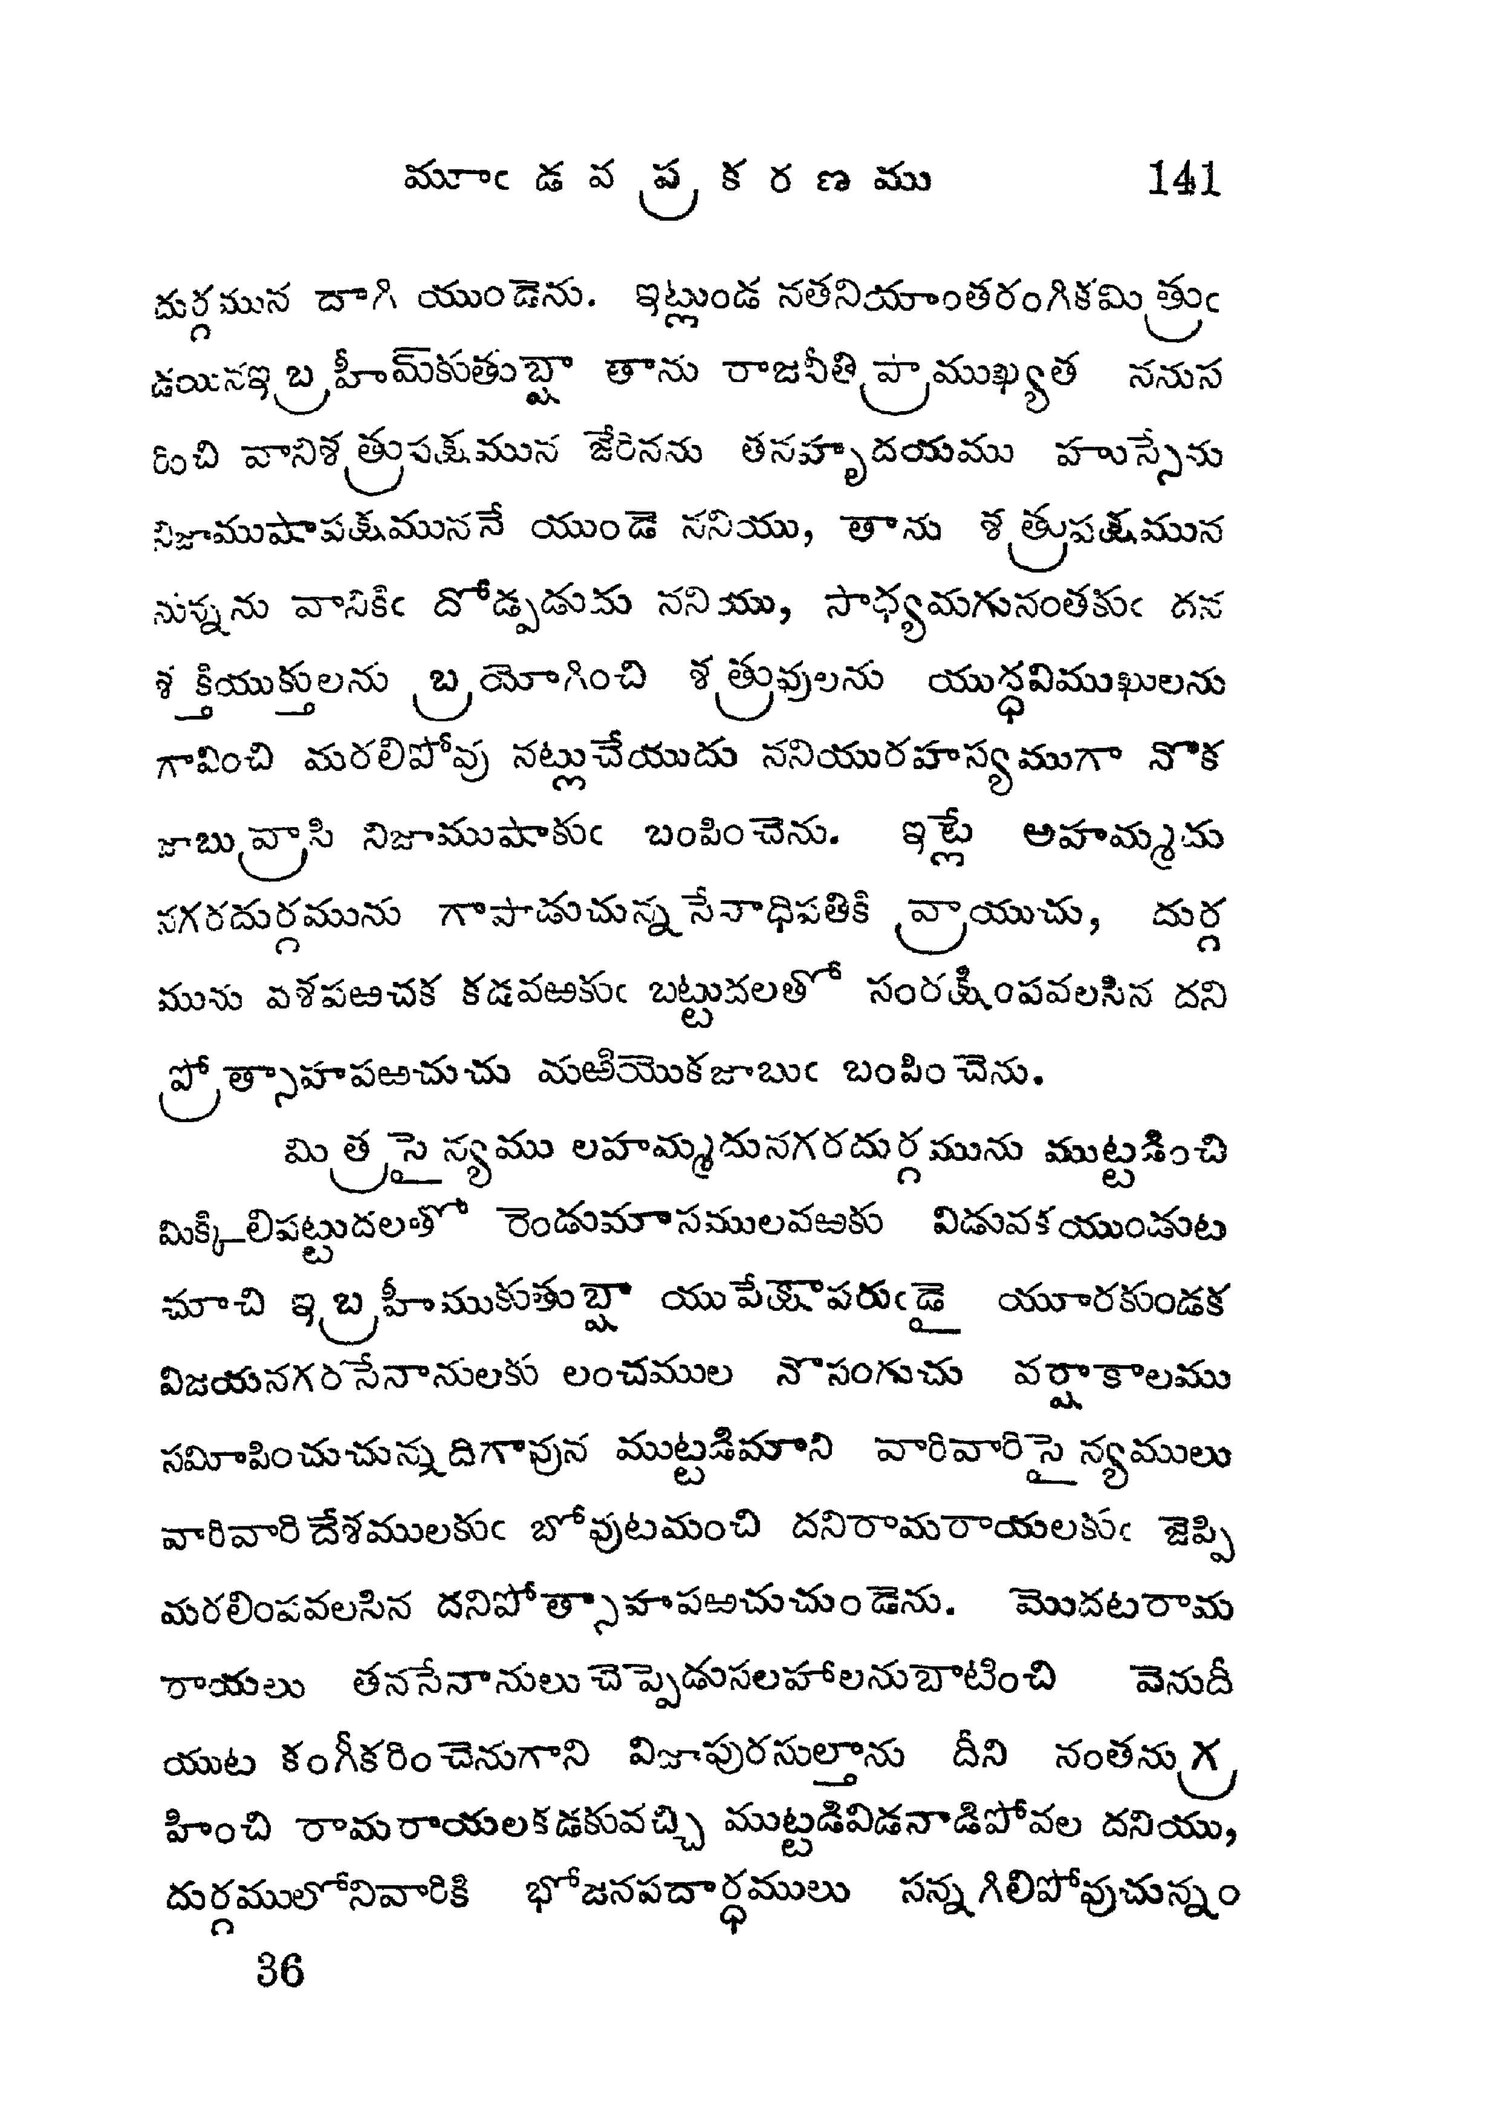దుర్గమున దాగి యుండెను. ఇట్లుండ నతనియాంతరంగికమిత్రు డయినఇబ్రహీమ్‌కుతుబ్షా తాను రాజనీతిప్రాముఖ్యత ననుసరించి వానిశత్రుపక్షమున జేరినను తనహృదయము హుస్సేనునిజాముషా పక్షముననే యుండె ననియు, తాను శత్రుపక్షమున నున్నను వానికి దోడ్పడుదు ననియు, సాధ్యమగునంతకు దనశక్తియుక్తులను బ్రయోగించి శత్రువులను యుద్ధవిముఖులను గావించి మరలిపోవు నట్లుచేయుచు ననియురహస్యముగా నొకజాబువ్రాసి నిజాముషాకు బంపించెను. ఇట్లే అహమ్మదునగరదుర్గమును గాపాడుచున్నసేనాధిపతికి వ్రాయుచు, దుర్గమును వశపఱచక కడవఱకు బట్టుదలతో సంరక్షింపవలసిన దని ప్రోత్సాహపఱచుచు మఱియొకజాబు బంపించెను.

మిత్రసైన్యము లహమ్మదునగరదుర్గమును ముట్టడించి మిక్కిలిపట్టుదలతో రెండుమాసములవఱకు విడువకయుండుట చూచి ఇబ్రహీముకుతుబ్షా యుపేక్షాపరుడై యూరకుండక విజయనగరసేనానులకు లంచముల నొసంగుచు వర్షాకాలము సమీపించుచున్నదిగావున ముట్టడిమాని వారివారిసైన్యములు వారివారిదేశములకు బోవుటమంచి దనిరామరాయలకు జెప్పి మరలింపవలసిన దనిప్రోత్సాహ పఱచుచుండెను. మొదటరామరాయలు తనసేనానులు చెప్పెడుసలహాలనుబాటించి వెనుదీయుట కంగీకరించెనుగాని విజాపురసుల్తాను దీని నంతనుగ్రహించి రామరాయలకడకువచ్చి ముట్టడివిడనాడిపోవల దనియు, దుర్గములోనివారికి భోజనపదార్థములు సన్నగిలిపోవుచున్నం